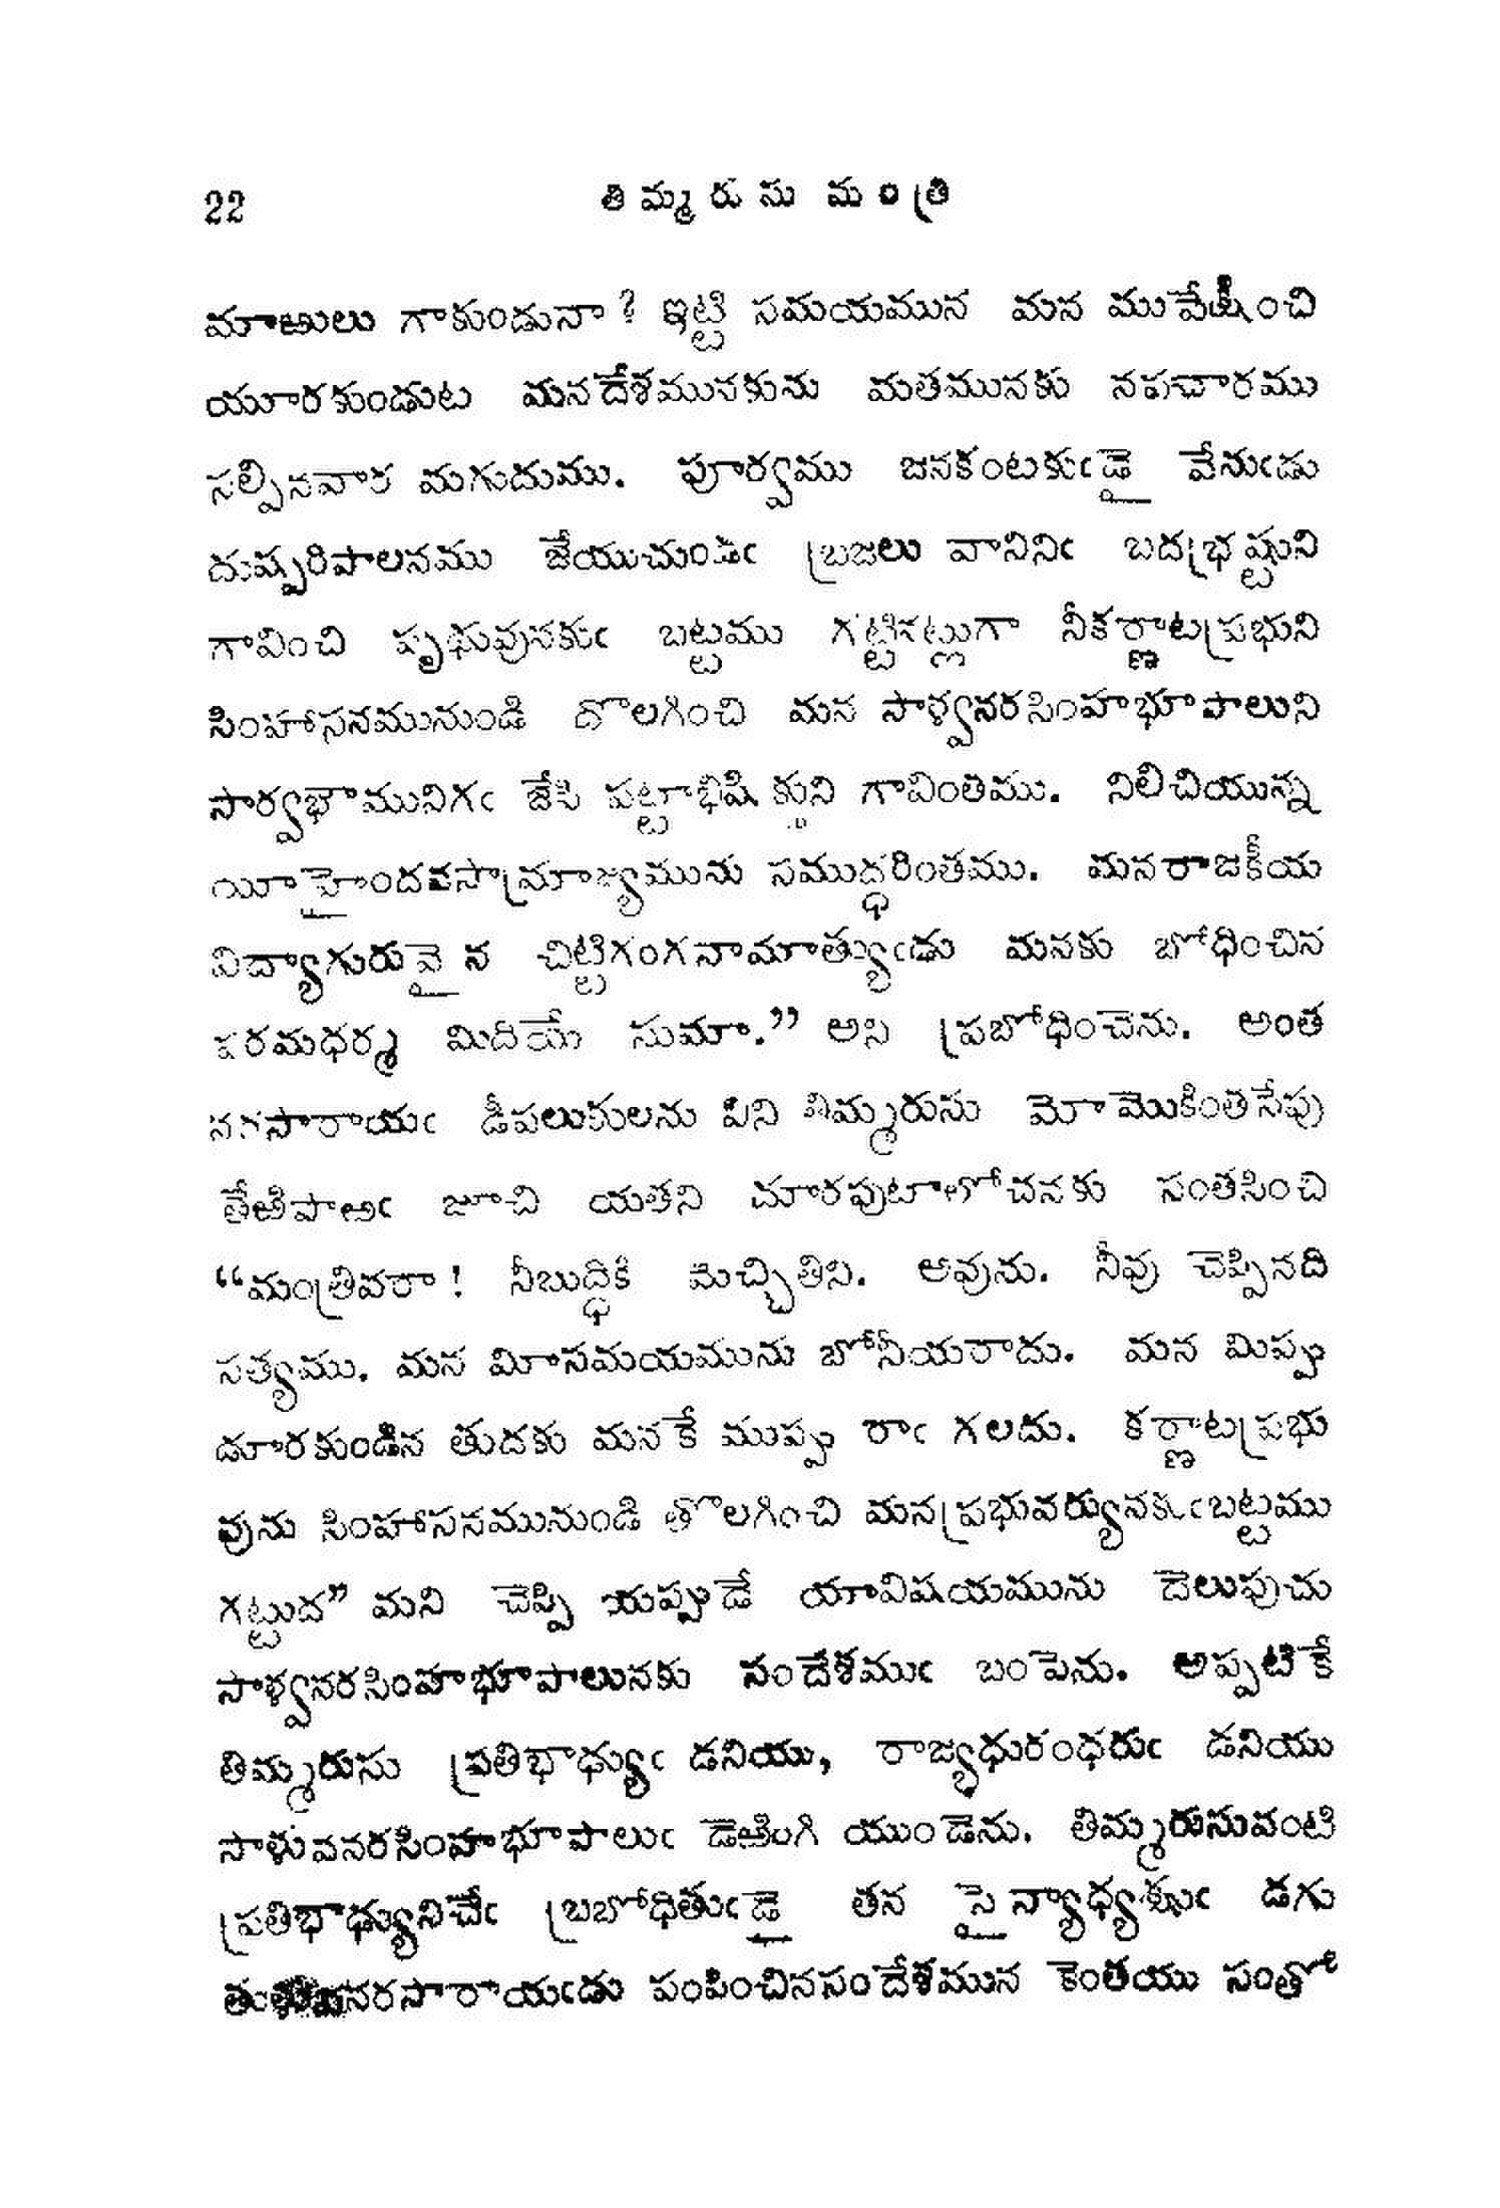మాఱులు గాకుండునా? ఇట్టి సమయమున మన ముపేక్షించి యూరకుండుట మనదేశమునకును మతమునకు నపచారము సల్పినవార మగుదుము. పూర్వము జనకంటకుఁడై వేనుఁడు దుష్పరిపాలనము జేయుచుండఁ బ్రజలు వానినిఁ బదభ్రష్టుని గావించి పృథువునకుఁ బట్టము గట్టినట్లుగా నీకర్ణాటప్రభుని సింహాసనమునుండి దొలగించి మన సాళ్వనరసింహభూపాలుని సార్వభౌమునిగఁ జేసి పట్టాభిషిక్తుని గావింతము. నిలిచియున్న యీహైందవసామ్రాజ్యమును సముద్ధరింతము. మనరాజకీయ విద్యాగురువైన చిట్టిగంగనామాత్యుఁడు మనకు బోధించిన కరమధర్మ మిదియే సుమా.” అని ప్రబోధించెను. అంత నరసరాయఁ డీపలుకులను విని తిమ్మరుసు మోమొకింతసేపు తేఱిపాఱఁ జూచి యతని దూరఫుటాలోచనకు సంతసించి “మంత్రివరా! నీబుద్దికి మెచ్చితిని. అవును. నీవు చెప్పినది సత్వము. మన మీసమయమును బోనీయరాదు. మన మిప్పు డూరకుండిన తుదకు మనకే ముప్పు రాఁ గలదు. కర్ణాటప్రభువును సింహాసనమునుండి తొలగించి మనప్రభువర్యునకుఁ బట్టము గట్టుద” మని చెప్పి యప్పుడే యావిషయమును దెలుపుచు సాళ్వనరసింహభూపాలునకు సందేశముఁ బంపెను. అప్పటికే తిమ్మరుసు ప్రతిభాఢ్యుఁ డనియు, రాజ్యధురంధరుఁ డనియు సాళువనరసింహభూపాలుఁ డెఱింగి యుండెను. తిమ్మరుసువంటి ప్రతిభాఢ్యునిచేఁ బ్రబోధితుఁడై తన సైన్యాధ్యక్షుఁ డగు తుళువనరసారాయఁడు పంపించినసందేశమున కెంతయు సంతో